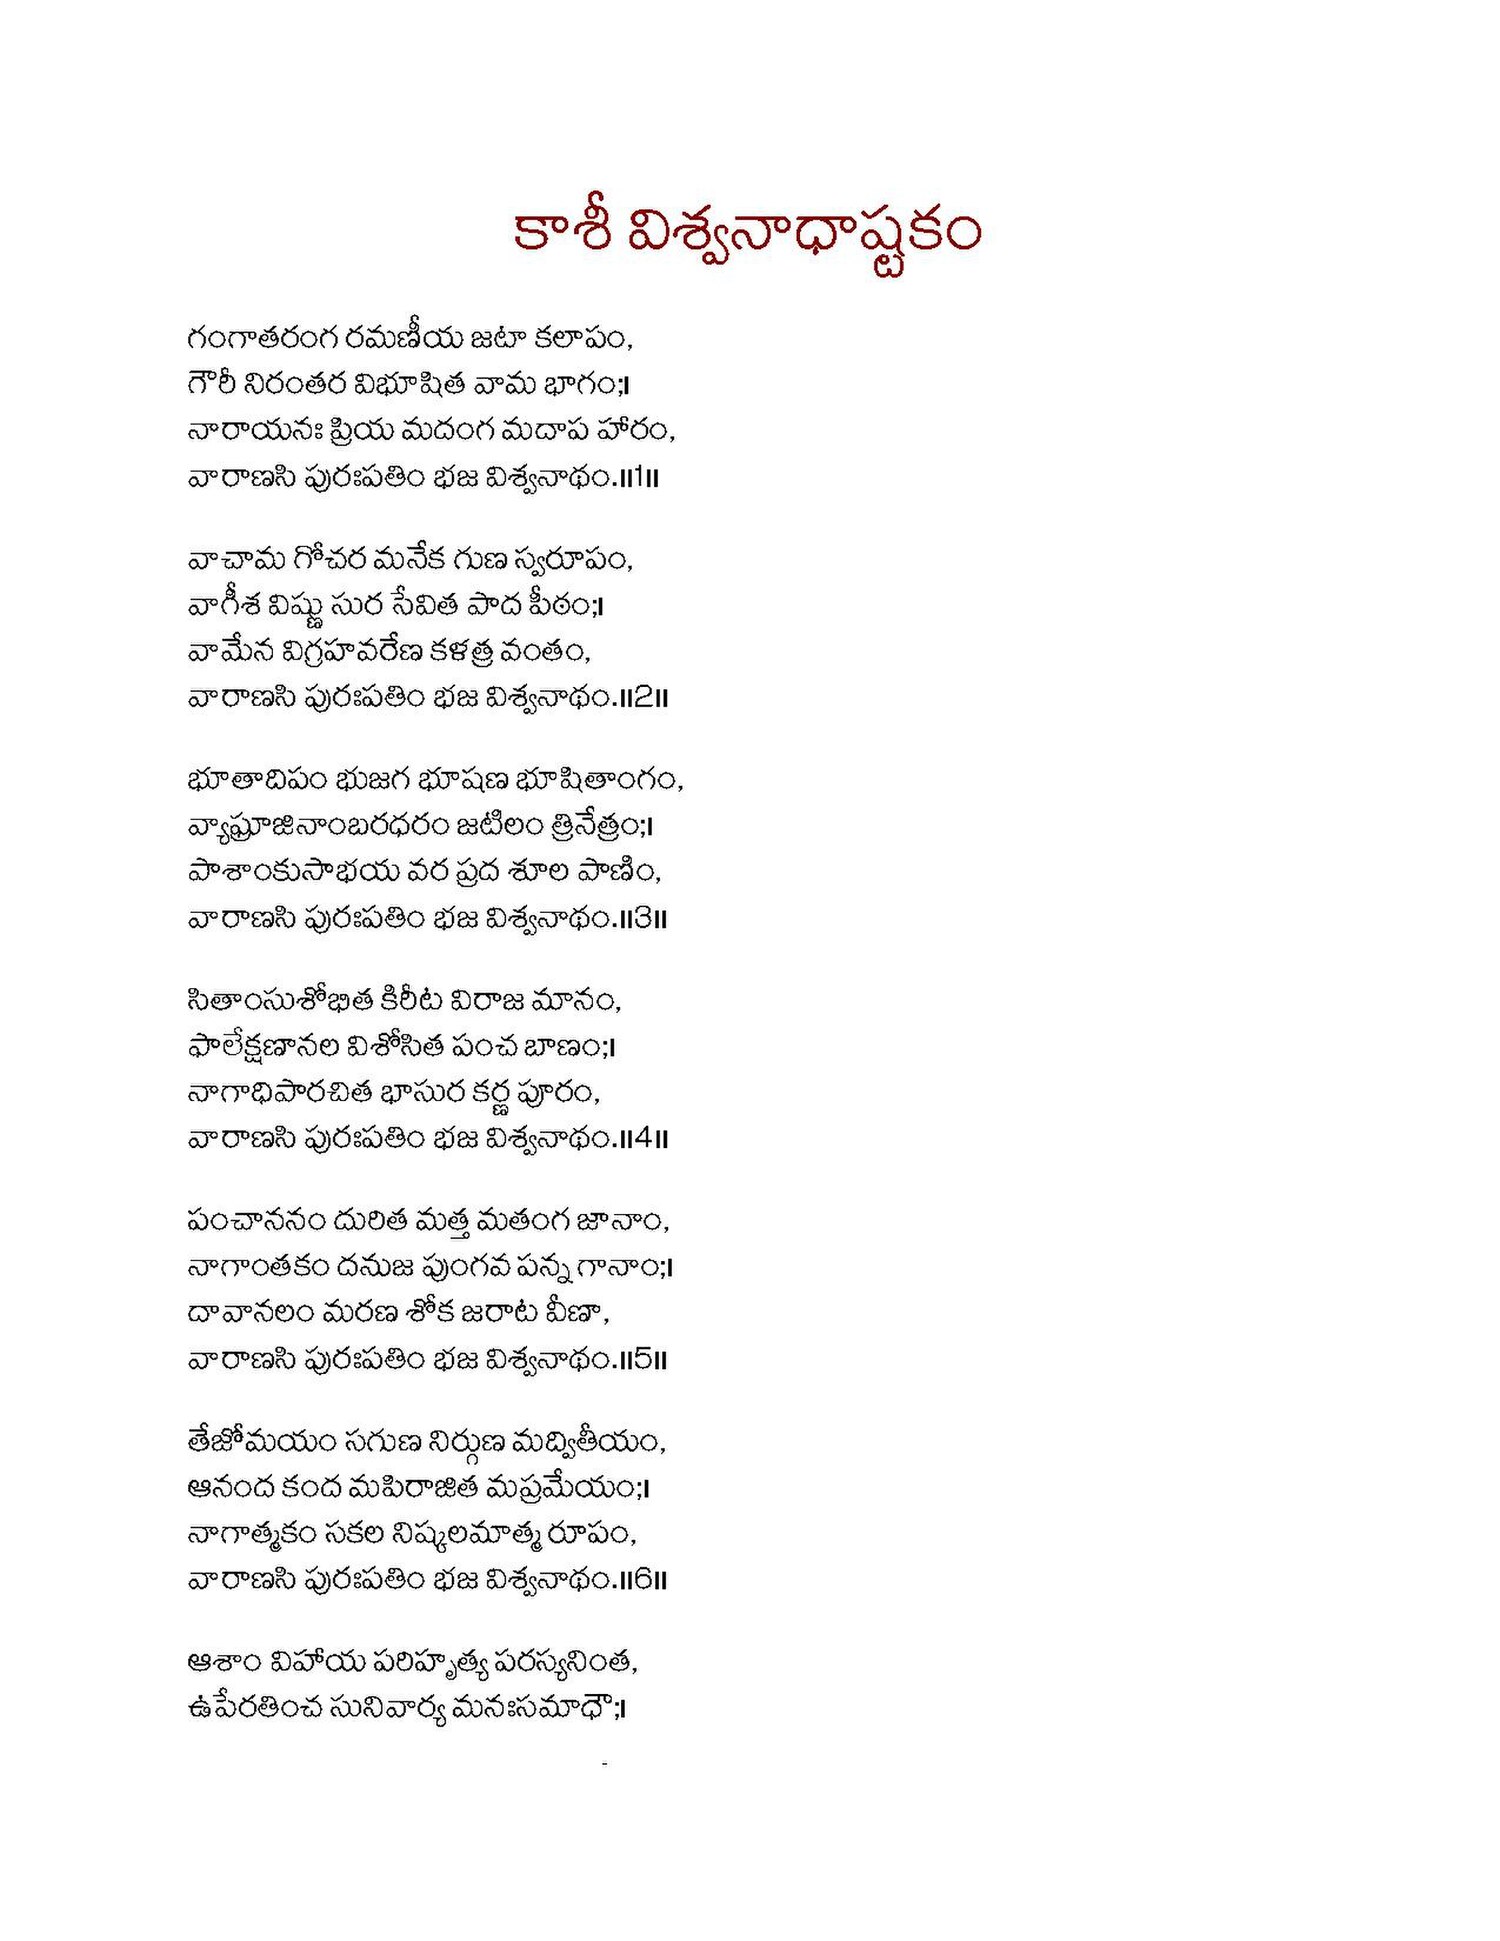గంగాతరంగ రమణీయ జటా కలాపం,
గౌరీ నిరంతర విభూషిత వామ భాగం;
నారాయనః ప్రియ మదంగ మదాపహారం,
వారాణసి పురఃపతిం భజ విశ్వనాథం.||1||

వాచామ గోచర మనేక గుణ స్వరూపం,
వాగీశ విష్ణు సుర సేవిత పాద పీఠం
వామేన విగ్రహవరేణ కళత్ర వంతం,
వారాణసి పురఃపతిం భజ విశ్వనాథం.||2||

భూతాదిపం భుజగ భూషణ భూషితాంగం,
వ్యాఘ్రాజినాంబరధరం జటిలం త్రినేత్రం;|
పాశాంకుసాభయ వరప్రద శూల పాణిం,
వారాణసి పురఃపతిం భజ విశ్వనాథం.||3||

సితాంసుశోభిత కిరీట విరాజమానం,
ఫాలేక్షణానల విశోసిత పంచబాణం; |
నాగాధిపారచిత భాసుర కర్ణ పూరం,
వారాణసి పురఃపతిం భజ విశ్వనాథం.||4||

పంచాననం దురిత మత్త మతంగ జానాం,
నాగాంతకం దనుజ పుంగవ పన్నగానాం; |
దావానలం మరణ శోక జరాట వీణా,
వారాణసి పురఃపతిం భజ విశ్వనాథం.||5||

తేజోమయం సగుణ నిర్గుణ మద్వితీయం,
ఆనంద కంద మపిరాజిత మప్రమేయం; |
నాగాత్మకం సకల నిష్కలమాత్మ రూపం,
వారాణసి పురఃపతిం భజ విశ్వనాథం.||6||

ఆశాం విహాయ పరిహ్వ హృత్య పరస్యనింత,
ఉపేరతించ సునివార్య మనఃసమాధౌ; |